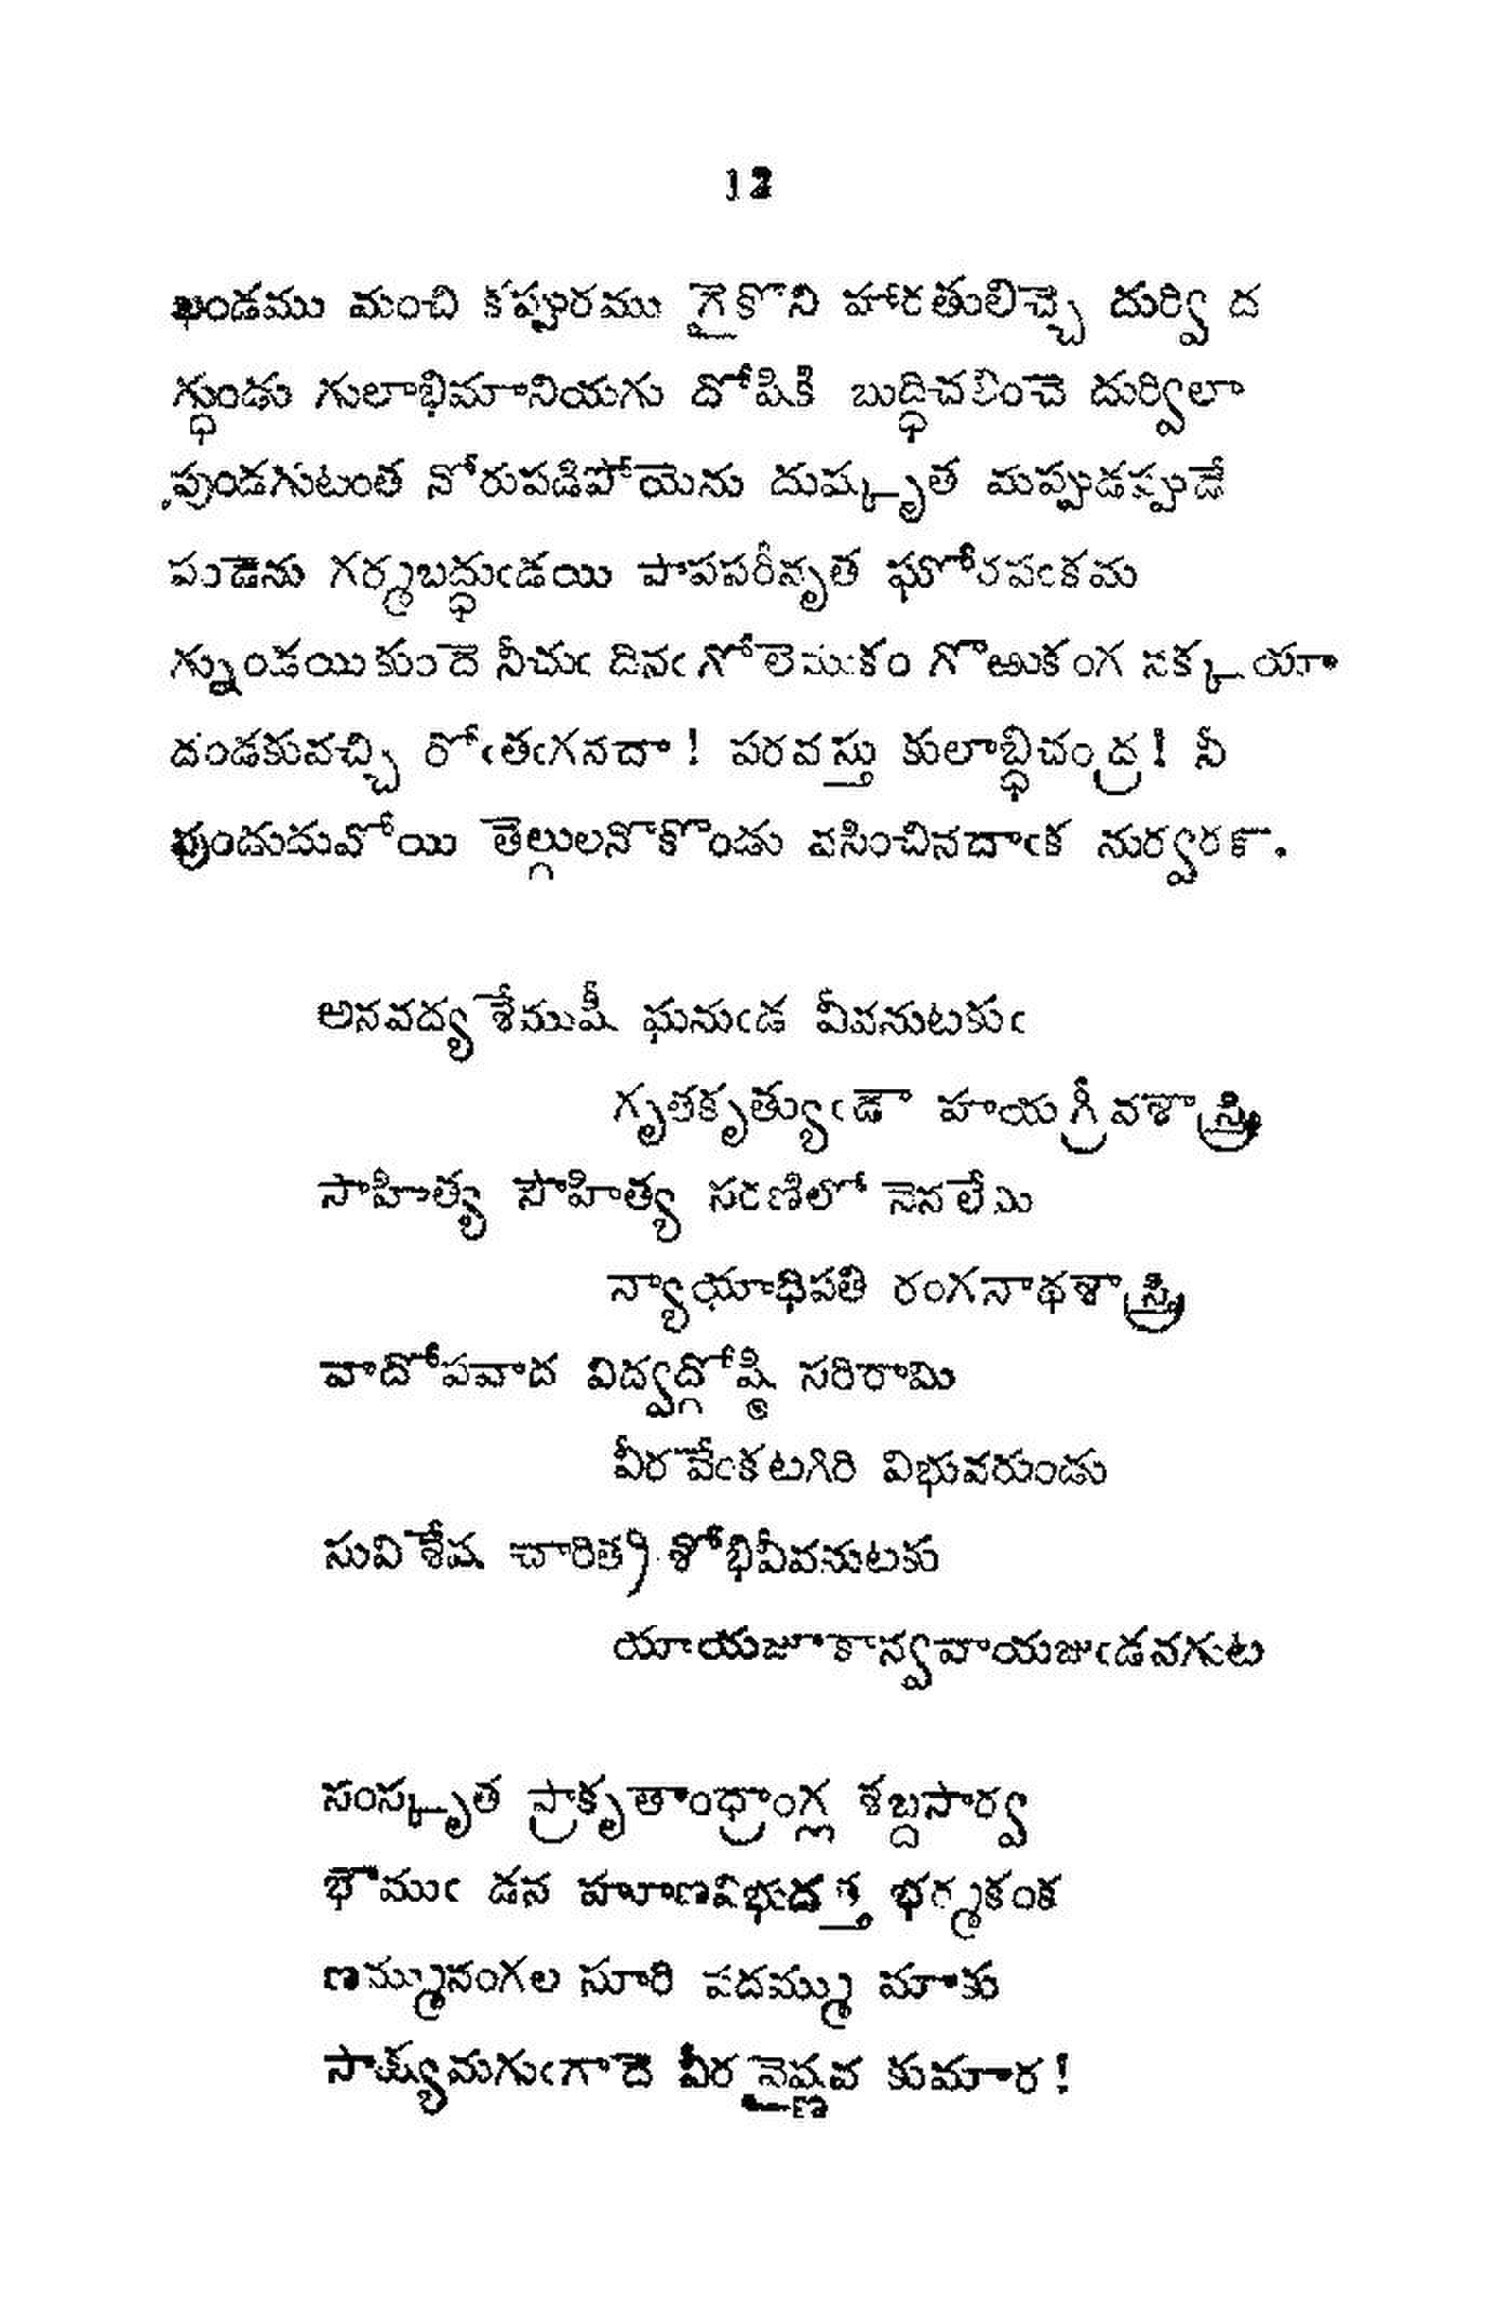ఖండము మంచి కప్పురము గైకొని హారతులిచ్చే దుర్వి ద 
గ్ధుండు గులాభిమానియగు దోషికి బుద్ధిచలించె దుర్విలా 
వుండగుటంత నోరుపడిపోయేను దుష్కృత మప్పుడప్పుడే 
పండెను గర్మబద్ధుఁడయి పాపపరీవృత ఘోరపంకమ 
గ్నుండయికుందె నీచుఁ దివఁ గోలెముకం గొఱుకంగ నక్కయా 
దండకువచ్చి రోఁతఁగనదా ! పరవస్తు కులాబ్ధిచంద్ర ! నీ 
పుండుదువోయి తెల్గులనొకొండు వసించినదాఁక నుర్వర౯.

 అనవద్య శేముషీ ఘనుఁడ వీవనుటకుఁ
 గృతకృత్యుఁడౌ హయగ్రీవశాస్త్రి 
 సాహిత్య సౌహిత్య సరణిలో నెనలేమి
 న్యాయాధిపతి రంగనాథశాస్త్రి 
 వాదోపవాద విద్వద్గోష్ఠి సరిరామి
 వీర వేంకటగిరి విభువరుండు 
 సువిశేష చారిత్ర శోభివీవనుటకు
 యాయజూకాన్వవాయజుఁడవగుట

 సంస్కృత ప్రాకృతాంధ్రాంగ్ల శబ్దసార్వ
 భౌముఁ డన హూణవిభుదత్త భర్మకంక 
 ణమ్మునంగల సూరి పదమ్ము మాకు 
 సాక్ష్యమగుఁగాదె వీరవైష్ణవ కుమార !